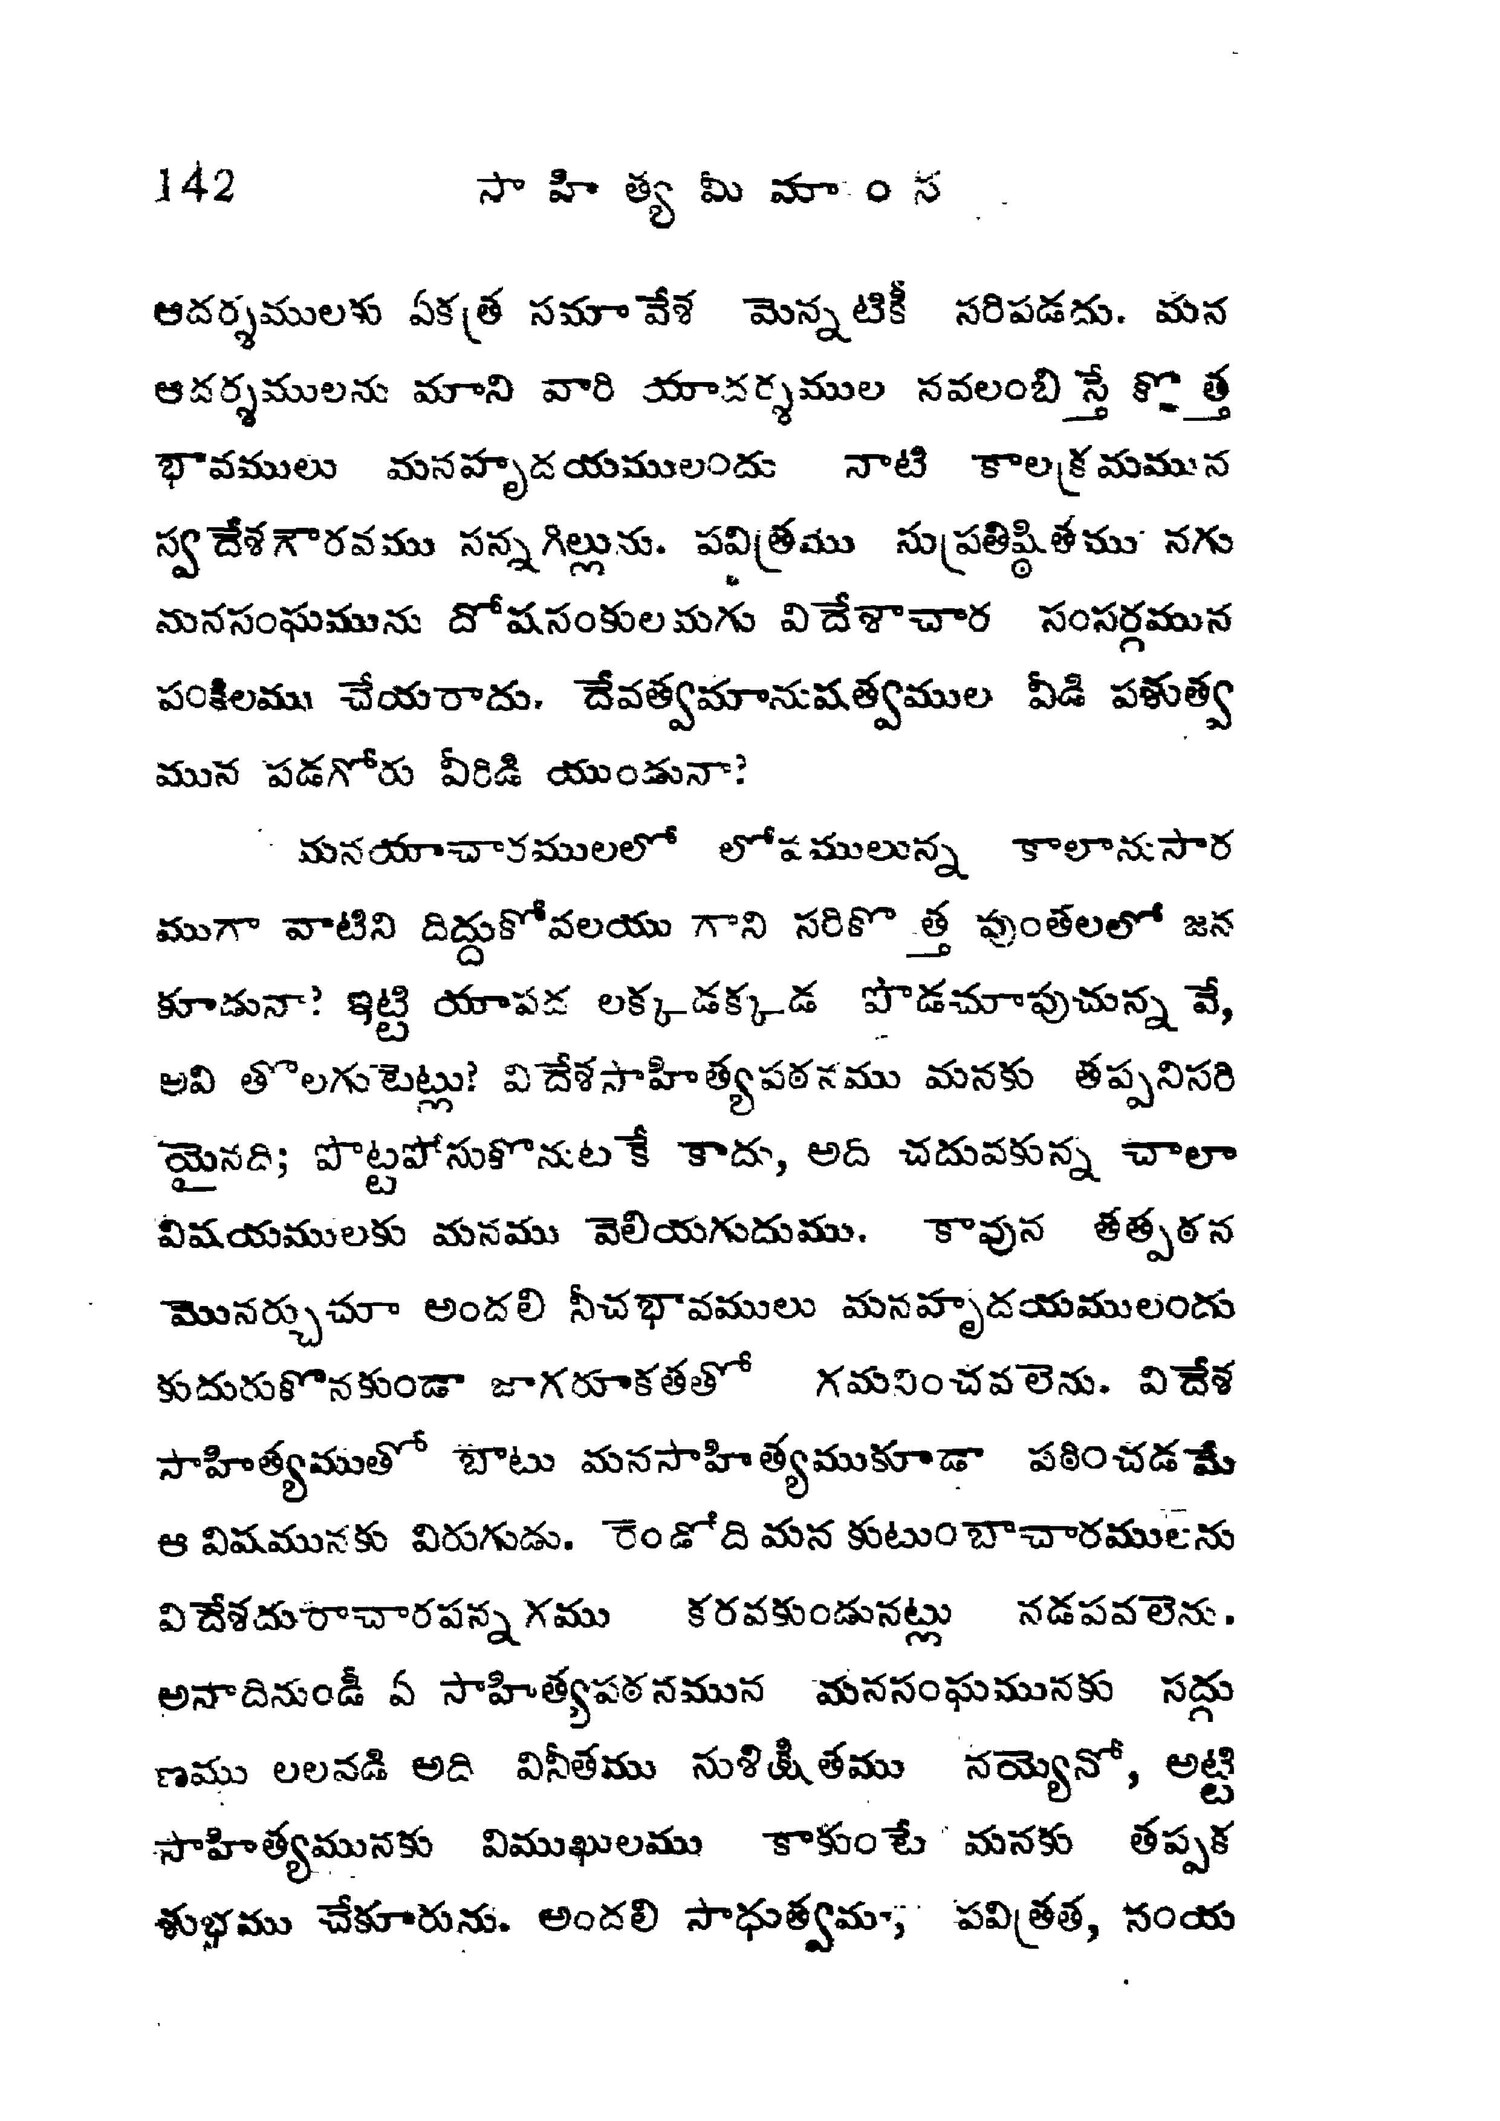ఆదర్శములకు ఏకత్ర సమావేశ మెన్నటికీ సరిపడదు. మన ఆదర్శములను మాని వారి యాదర్శముల నవలంబిస్తే కొత్త భావములు మనహృదయములందు నాటి కాలక్రమమున స్వదేశగౌరవము సన్నగిల్లును. పవిత్రము సుప్రతిష్ఠితము నగు మనసంఘమును దోషసంకులమగు విదేశాచార సంసర్గమున పంకిలము చేయరాదు. దేవత్వమానుషత్వముల వీడి పశుత్వమున పడగోరు వీరిడి యుండునా?

మనయాచారములలో లోపములున్న కాలానుసారముగా వాటిని దిద్దుకోవలయు గాని సరికొత్త పుంతలలో జన కూడునా? ఇట్టి యాపద లక్కడక్కడ పొడచూపుచున్న వే, అవి తొలగుటెట్లు? విదేశసాహిత్యపఠనము మనకు తప్పనిసరి యైనది; పొట్టపోసుకొనుటకే కాదు, అది చదువుకున్న చాలా విషయములకు మనము వెలియగుదుము. కావున తత్పఠన మొనర్చుచూ అందలి నీచభావములు మనహృదయములందు కుదురుకొనకుండా జాగరూకతతో గమనించవలెను. విదేశ సాహిత్యముతో బాటు మనసాహిత్యముకూడా పఠించడమే ఆ విషమునకు విరుగుడు. రెండోది మన కుటుంబాచారములను విదేశదురాచారపన్నగము కరవకుండునట్లు నడపవలెను. అనాదినుండీ ఏ సాహిత్యపఠనమున మనసంఘమునకు సద్గుణము లలవడి అది వీఇతము సుశిక్షితము నయ్యెనో, అట్టి సాహిత్యమునకు విముఖులము కాకుంటే మనకు తప్పక శుభము చేకూరును. అందలి సాధుత్వము, పవిత్రత, సంయ